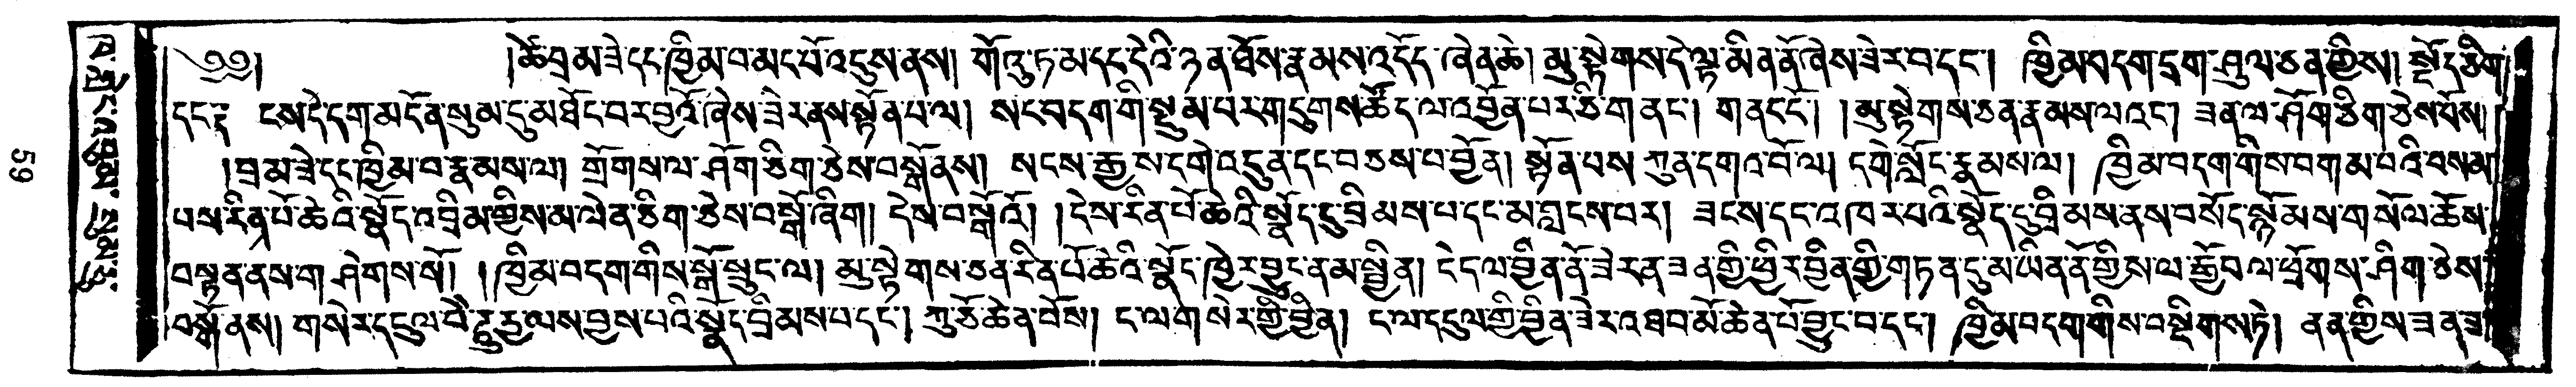༄༅། །ཚེ་བྲམ་ཟེ་དང་ཁྱིམ་པ་མང་པོ་འདུས་ནས། གོའུ་ཏ་མ་དང་དེའི་ཉན་ཐོས་རྣམས་འདོད་ཞེན་ཆེ། མུ་སྟེགས་དེ་ལྟ་མིན་ནོ་ཞེས་ཟེར་བ་དང་། ཁྱིམ་བདག་དྲག་ཤུལ་ཅན་གྱིས། སྡོད་ཅིག་
དང༑ ངས་དེ་དག་མངོན་སུམ་དུ་མཐོང་བར་བྱའོ་ཞེས་ཟེར་ནས་སྟོན་པ་ལ། སང་བདག་གི་སྡུམ་པར་གདུགས་ཚོད་ལ་འབྱོན་པར་ཅི་གནང་། གནང་ངོ། །མུ་སྟེགས་ཅན་རྣམས་ལའང་། ཟན་ལ་ཤོག་ཅིག་ཅེས་པོས།
།བྲམ་ཟེ་དང་ཁྱིམ་པ་རྣམས་ལ། གྲོགས་ལ་ཤོག་ཅིག་ཅེས་བསྒོ་ནས། སངས་རྒྱས་དགེ་འདུན་དང་བཅས་པ་བྱོན། སྟོན་པས་ཀུན་དགའ་བོ་ལ། དགེ་སློང་རྣམས་ལ། ཁྱིམ་བདག་གིས་བགམ་པའི་བསམ་
པས་རིན་པོ་ཆེའི་སྣོད་འབྲིམ་གྱིས་མ་ལེན་ཅིག་ཅེས་བསྒོ་ཞིག། དེས་བསྒོའོ། །དེས་རིན་པོ་ཆེའི་སྣོད་དུ་བྲིམས་པ་དང་མ་བླངས་པར། ཟངས་དང་འཁར་བའི་སྣོད་དུ་བྲིམས་ནས་བསོད་སྙོམས་གསོལ་ཆོས་
བསྟན་ནས་གཤེགས་སོ། །ཁྱིམ་བདག་གིས་སྒོ་སྲུང་ལ། མུ་སྟེགས་ཅན་རིན་པོ་ཆེའི་སྣོད་ཁྱེར་བྱུང་ན་མ་སྦྱིན། ངེད་ལ་བྱིན་ནོ་ཟེར་ན་ཟན་གྱི་ཕྱིར་བྱིན་གྱི་གཏན་དུ་མ་ཡིན་ནོ་གྱིས་ལ་རྒྱོབ་ལ་ཕྲོགས་ཤིག་ཅེས་
བསྒོ་ནས། གསེར་དངུལ་བཻ་ཌཱུརྱ་ལས་བྱས་པའི་སྣོད་བྲིམས་པ་དང་། ཀུ་ཅོ་ཆེན་པོས། ང་ལ་གསེར་གྱི་བྱིན། ང་ལ་དངུལ་གྱི་བྱིན་ཟེར་འཐབ་མོ་ཆེན་པོ་བྱུང་བ་དང་། ཁྱིམ་བདག་གིས་བསྡིགས་ཏེ། ནན་གྱིས་ཟན་ཟ་